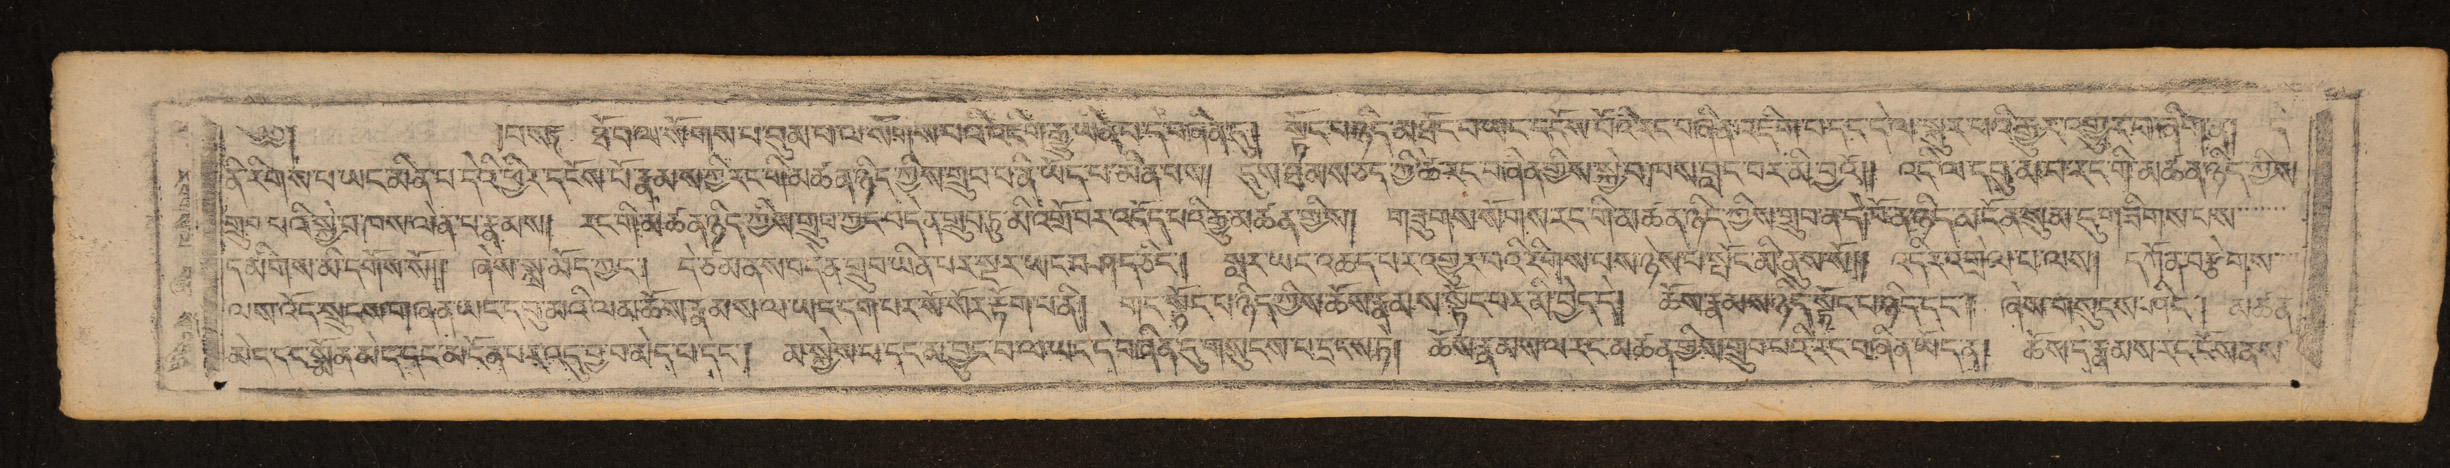༄༅། །པས༑ ཐོ་བ་ལ་སོགས་པ་བུམ་པ་ལ་སོགས་པའི་འཇིག་རྒྱུ་ཡིན་པ་དེ་བཞིན་དུ། སྟོང་པ་ཉིད་མཐོང་བ་ཡང་དངོས་པོའི་རང་བཞིན་འཇིག་པ་དང་དེ་ལ་སྐུར་བའི་རྒྱུར་འགྱུར་བ་ཞིག་ན། དེ་
ནི་རིགས་པ་ཡང་མིན་པ་དེའི་ཕྱིར་དངོས་པོ་རྣམས་ཀྱི་རང་གི་མཚན་ཉིད་ཀྱིས་གྲུབ་པ་ནི་ཡོད་པ་མིན་པས། དུས་ཐམས་ཅད་ཀྱི་ཚེ་རང་བཞིན་གྱིས་སྐྱེ་བ་ཁས་བླང་བར་མི་བྱའོ།། འདི་ལ་དབུ་མ་པ་རང་གི་མཚན་ཉིད་ཀྱིས་
གྲུབ་པའི་སྐྱེ་བ་ཁས་ལེན་པ་རྣམས། རང་གི་མཚན་ཉིད་ཀྱིས་གྲུབ་ཀྱང་བདེན་གྲུབ་ཏུ་མི་འགྲོ་བར་འདོད་པའི་རྒྱུ་མཚན་གྱིས། གཟུགས་སོགས་རང་གི་མཚན་ཉིད་ཀྱིས་གྲུབ་ན་དེ་ཁོ་ན་ཉིད་མངོན་སུམ་དུ་གཟིགས་པས་
དམིགས་མི་དགོས་སོ།། ཞེས་སྨྲ་མོད་ཀྱང་། དེ་ཙམ་ནས་བདེན་གྲུབ་ཡིན་པར་སྔར་ཡང་བཤད་ཅིང་། སླར་ཡང་འཆད་པར་འགྱུར་བའི་རིགས་པས་ཉེས་པ་སྤོང་མི་ནུས་སོ།། འདིར་འགྲེལ་པ་ལས། དཀོན་བརྩེགས་
ལས་འོད་སྲུངས་གཞན་ཡང་དབུ་མའི་ལམ་ཆོས་རྣམས་ལ་ཡང་དག་པར་སོ་སོར་རྟོག་པ་ནི། གང་སྟོང་པ་ཉིད་ཀྱིས་ཆོས་རྣམས་སྟོང་པར་མི་བྱེད་དེ། ཆོས་རྣམས་ཉིད་སྟོང་པ་ཉིད་དང་། ཞེས་གསུངས་ཤིང་། མཚན་
མེད་དང་སྨོན་མེད་དང་མངོན་པར་འདུ་བྱ་བ་མེད་པ་དང་། མ་སྐྱེས་པ་དང་མ་བྱུང་བ་ལ་ཡང་དེ་བཞིན་དུ་གསུངས་པ་དྲངས་ཏེ། ཆོས་རྣམས་ལ་རང་མཚན་གྱིས་གྲུབ་པའི་རང་བཞིན་ཡོད་ན། ཆོས་དེ་རྣམས་རང་ངོས་ནས་